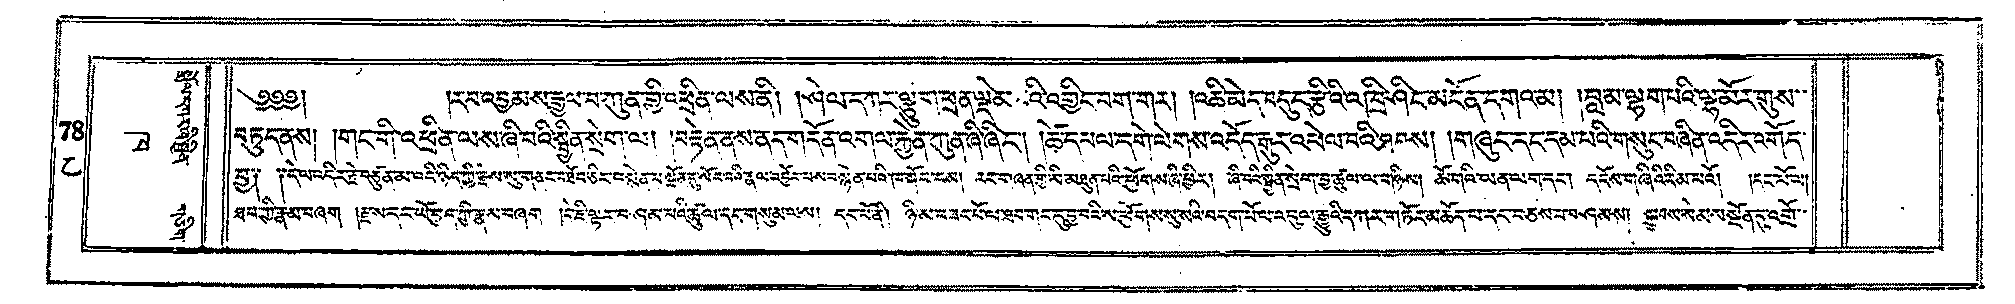༄༅༅། །རབ་འབྱམས་རྒྱལ་བ་ཀུན་གྱི་འཕྲིན་ལས་ནི། །ཤེལ་དཀར་ལྕུག་ཕྲན་ལྡེམ་པའི་འགྱིང་བག་གར། །འཆི་མེད་བདུད་རྩིའི་འཁྲི་ཤིང་མངོན་དགའ་མ། །བླ་མ་ལྷག་པའི་ལྷ་མོར་གུས་་་
བཏུད་ནས། །གང་གི་འཕྲིན་ལས་ཞི་བའི་སྦྱིན་སྲེག་ལ། །བརྟེན་ནས་ནད་གདོན་འགལ་རྐྱེན་ཀུན་ཞི་ཞིང་། །ཚེ་དཔལ་དགེ་ལེགས་འདོད་རྒུར་འཕེལ་བའི་ཐབས། །གཞུང་དང་དམ་པའི་གསུང་བཞིན་འདིར་འགོད་
བྱ༑ ༑དེ་ལ་འདིར་རྗེ་བཙུན་མ་འདི་ཉིད་ཀྱི་རྗེས་སུ་གནང་བ་ཐོབ་ཅིང་བསྙེན་པ་སྔོན་དུ་སོང་བའི་རྣལ་འབྱོར་པས་བསྙེན་པའི་ཁ་སྐོང་ངམ། རང་གཞན་གྱི་མི་མཐུན་པའི་ཕྱོགས་ཞི་ཕྱིར། ཞི་བའི་སྦྱིན་སྲེག་བྱ་ཚུལ་ལ་གཉིས། ཆོ་གའི་ཡན་ལག་དང་། དངོས་གཞིའི་རིམ་པའོ། །དང་པོ་ལ།
ཐབ་ཀྱི་རྣམ་བཞག །རྫས་དང་ཡོ་བྱད་ཀྱི་རྣམ་བཞག །དེ་ཇི་ལྟར་བཤམ་པའི་ཚུལ་དང་གསུམ་ལས། དང་པོ་ནི། ཉི་མ་བཟང་པོ་ལ་ཐབ་གང་དུ་བྱ་བའི་ས་ཕྱོགས་སུ་སའི་བདག་པོ་ལ་འབུལ་རྒྱུའི་དཀར་གཏོར་མཆོད་པ་དང་བཅས་པ་བཤམས། སྐྱབས་སེམས་སྔོན་དུ་འགྲོ་་་